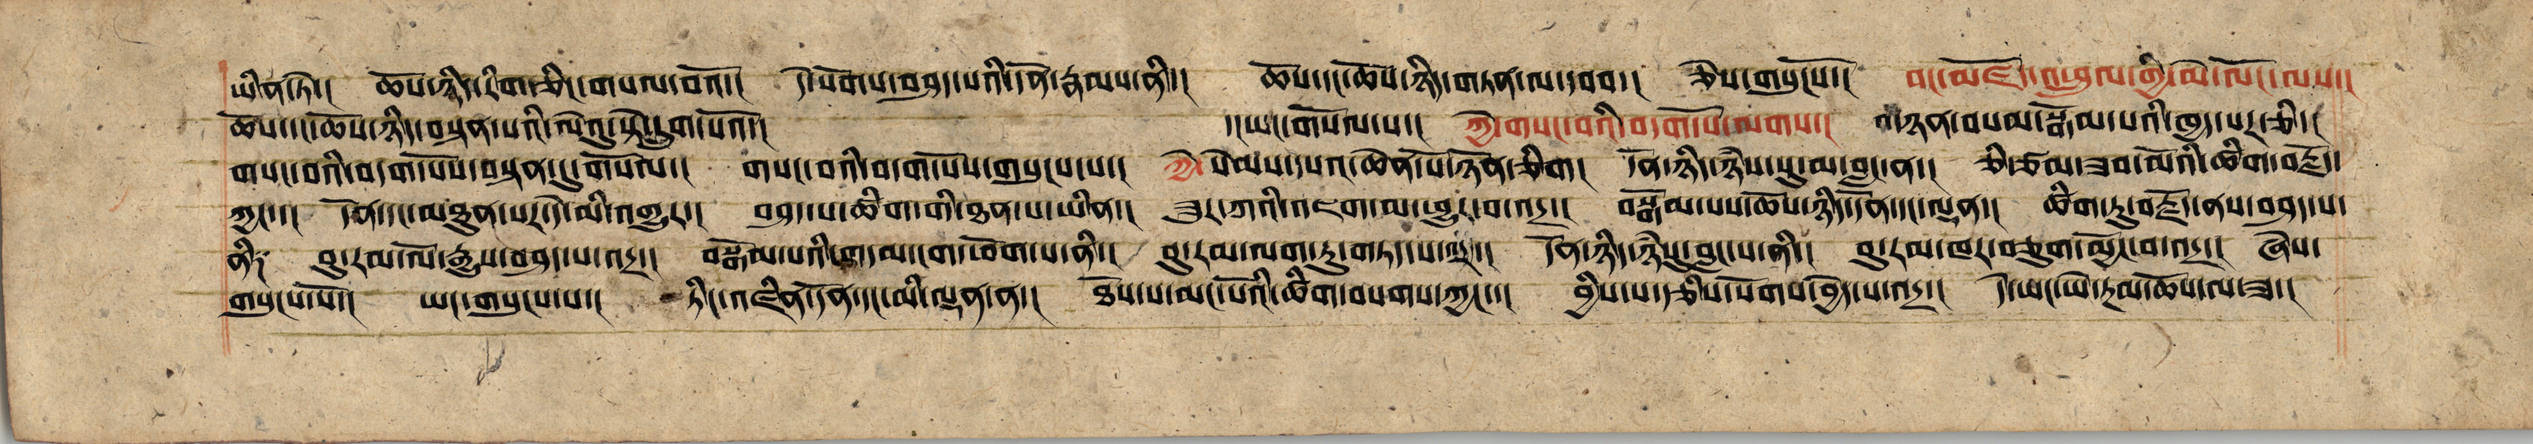ཡིན་ཏེ་། ཆོས་ཉིད་རིག་ཅིང་གསལ་བའོ་། དེ་སོགས་བཤད་པའི་དོན་རྣམས་ནི་། ཆོས་དང་ཆོས་ཉིད་གཏན་ལ་དབབ་། ཅེས་གསུངསོ་། བང་མཛོད་འཕྲུལ་གྱི་མེ་ལོང་ལས་།
ཆོས་དང་ཆོས་ཉིད་བསྟན་པའི་ལེའུ་སྟེ་དྲུག་པའོ་། དངཡང་གསོལ་པ་། ཀྱེ་གསང་བའི་བདག་པོ་ལགས་། གཉན་བསམ་སྒོམ་པའི་ཁྱད་པར་ཅི་།
གསང་བའི་བདག་པོས་བསྟན་དུ་གསོལ་། གསང་བའི་བདག་པོས་གསུངས་པ་། ཀྱེ་སེམས་དཔའ་ཆེན་པོ་ཉོན་ཅིག། དོན་ཉིད་ཉཾས་སུ་མ་བླང་ན་། ཅི་ཙམ་ཟབ་མོའི་ཚིག་བརྗོད་
ཀྱང་་། དོན་དང་མཐུན་པར་དེ་མི་འགྱུར་། བཤད་པ་ཚིག་གི་ཐན་པ་ཡིན་། ཟུར་ཀའི་འཇག་མ་ཕྱུར་པ་འདྲ་། བསྒོམ་པས་ཆོས་ཉིད་དོན་དང་ལྡན་། ཚིག་ཏུ་བརྗོད་ནས་བཤད་པ་
ནི༑ བུ་རམ་ལོ་རྒྱུས་བཤད་པ་འདྲ་། བསྒོམ་པའི་གདམ་ངག་ཕོག་པ་ནི་། བུ་རམ་ལག་ཏུ་གཏད་པ་འདྲ་། དོན་ཉིད་ཉཾསུ་བླང་པ་ནི་། བུ་རམ་ཁར་བཅུག་མྱོང་བ་འདྲ་། ཞེས
གསུངསོ་། ཡང་གསུངས་པ་། ཏིང་འཛིན་དོན་དང་མི་ལྡན་ན་། ཐོས་པ་མང་པོའི་ཚིག་བསགས་ཀྱང་་། བྱིས་པ་རྩིས་སོགས་བྱེད་པ་འདྲ་། དེ་ཡང་ཡེ་རྔམ་ཆོས་ལ་ཟ་།